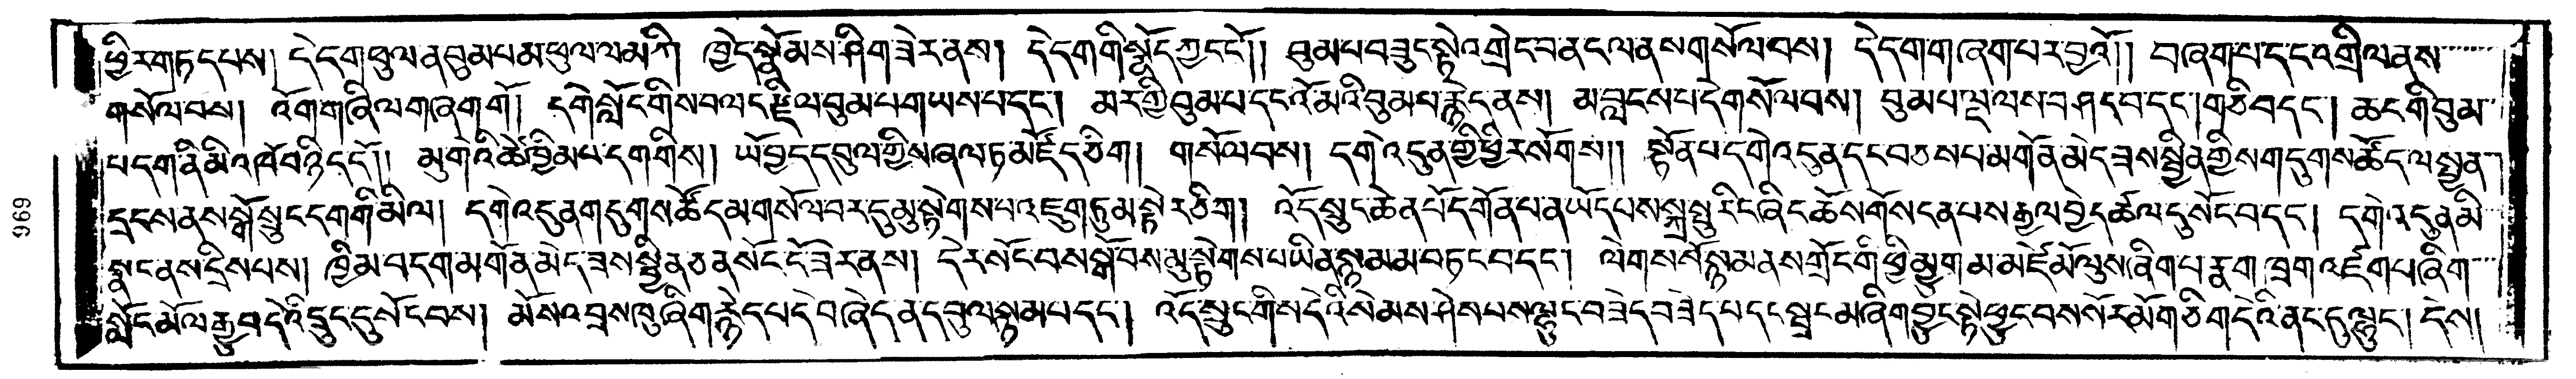ཕྱིར་གཏད་པས། དེ་དག་ཕུལ་ན་བུམ་པ་མ་ཕུལ་ལམ་ཀི། ཁྱེད་སྣོམས་ཤིག་ཟེར་ནས། དེ་དག་གི་སྣོད་ཀྱང་ངོ།། བུམ་པ་བཟུང་སྟེ་འགྲེང་བ་ནང་ལ་ནས་གསོལ་བས། དེ་དག་གཞག་པར་བྱའོ།། བཞག་པ་དང་འགྲིལ་ནས་
གསོལ་བས། འོག་གཞིལ་གཞག་གོ། དགེ་སློང་གིས་བ་ལང་རྫིལ་བུམ་པ་གཡས་པ་དང་། མར་གྱི་བུམ་པ་དང་འོ་མའི་བུམ་པ་རྙེད་ནས། མ་བླངས་པ་དེ་གསོལ་བས། བུམ་པ་ལྔ་ལས་བཤད་བ་དང་། གཅི་བ་དང་། ཆང་གི་བུམ་
བདག་ནི་མི་འཁོ་བ་ཉིད་དོ།། མུ་གེའི་ཚེ་ཁྱིམ་པ་དག་གིས། ཡོ་བྱད་དབུལ་གྱིས་ཞལ་ཏ་མཛོད་ཅིག། གསོལ་བས། དགེ་འདུན་གྱི་ཕྱིར་སོགས།། སྟོན་པ་དགེ་འདུན་དང་བཅས་པ་མགོན་མེད་ཟས་སྦྱིན་གྱིས་གདུགས་ཚོད་ལ་སྤྱན་
དྲངས་ནས་སྒོ་སྲུང་དག་གི་མིལ། དགེ་འདུན་གདུགས་ཚོ་དམ་གསོལ་བར་དུ་མུ་སྟེགས་པ་འཇུག་ཏུ་མ་སྟེར་ཅིག། འོད་སྲུང་ཆེན་པོ་དགོན་པ་ན་ཡོད་པས་སྐྲ་སྤུ་རིང་ཞིང་ཆོས་གོས་ངན་པས་རྒྱལ་བྱེད་ཚལ་དུ་སོང་བ་དང་། དགེ་འདུན་མི་
སྣང་ནས་དྲིས་པས། ཁྱིམ་བདག་མགོན་མེད་ཟས་སྦྱིན་ཅན་སོང་ངོ་ཟེར་ནས། དེར་སོང་བས་སྒོ་བས་མུ་སྟེགས་པ་ཡིན་སྙམ་མ་བཏང་བ་དང་། ལེགས་སོ་སྙམ་ནས་གྲོང་གི་ཕྱི་མྱུག་མ་མཛེ་མོ་ལུས་ཞིག་པ་རྣམ་ཁྲག་འཛག་པ་ཞིག་
སློང་མོ་ལ་རྒྱུ་བ་དེའི་དྲུང་དུ་སོང་བས། མོས་འབྲས་ཁུ་ཞིག་རྙེད་པ་དེ་བཞེད་ན་དབུལ་སྙམ་པ་དང་། འདོད་སྲུང་གིས་དེའི་སེམས་ཤེས་པས་ལྷུང་བཟེད་བཟེད་པ་དང་སྦྲང་མ་ཞིག་བྱུང་སྟེ་ཕྱུང་བས་སོར་མོ་གཅིག་དེའི་ནང་དུ་ལྷུང་། དེས།